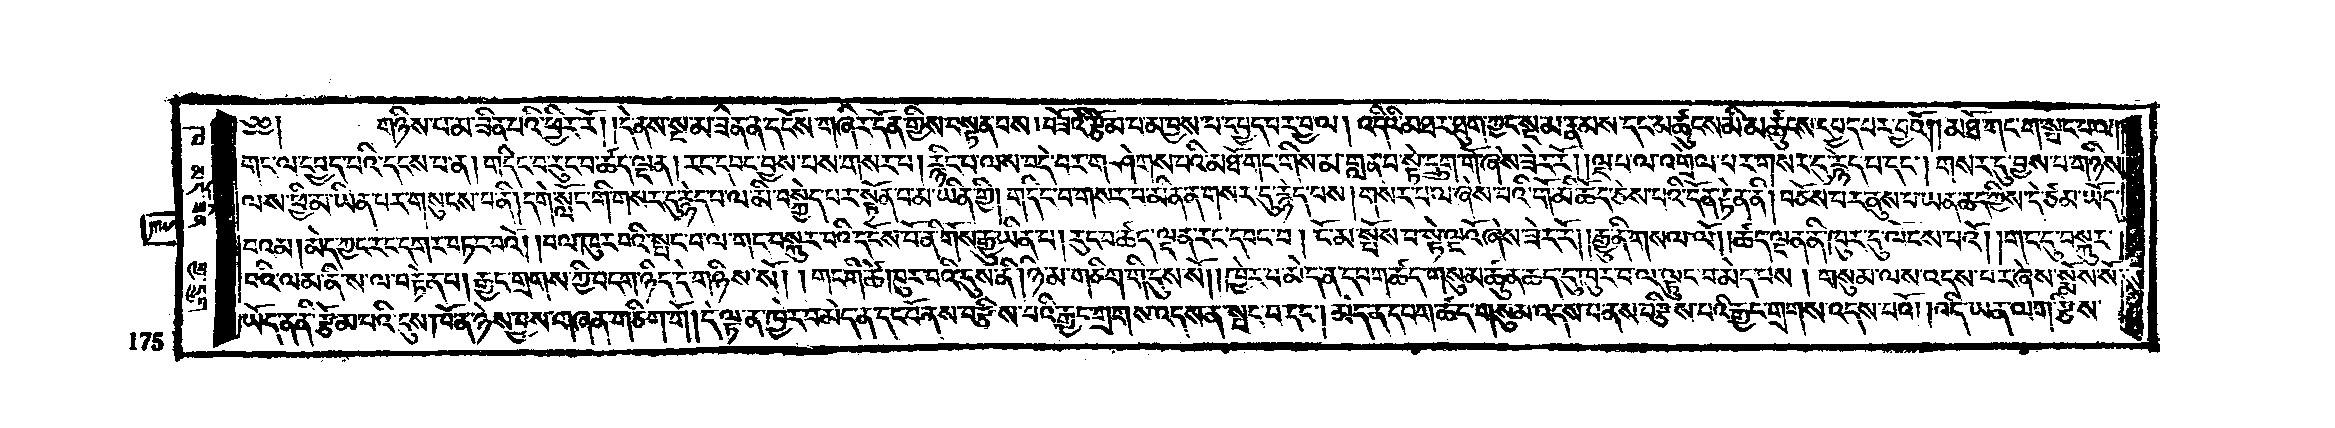༄༅། །གཉིས་པ་མ་ཟིན་པའི་ཕྱིར་རོ། །དེ་ནས་སྔ་མ་ཟིན་ན་དངོས་གཞིར་དོན་གྱིས་བསྟན་པས། བཟོའི་རྩོམ་པ་མ་བྱས་པ་དཔྱད་པར་བྱ་ལ། འདིའི་མཐར་ཐུག་ཀྱང་སྔ་མ་རྣམས་དང་མཚུངས་མི་མཚུངས་དཔྱད་པར་བྱའོ། །མཐོ་གང་ག་སྤང་བ་ལ་
གང་ལ་དཔྱད་པའི་དངོས་པོ་ནི།?  གདིང་བ་རུང་བ་ཆེད་ལྡན། རང་དབང་བྱས་པས་གསར་པ། རྙིང་པ་ལས་བདེ་བར་གཤེགས་པའི་མཐོ་གང་གིས་མ་གླན་པ་སྟེ་དྲུག་གོ་ཞེས་ཟེར་རོ། །ལྔ་པ་ལ་འགྲལ་པར་གསར་དུ་རྙེད་པ་དང་། གསར་དུ་བྱས་པ་གཉིས་
ལས་ཕྱི་མ་ཡིན་པར་གསུངས་པ་ནི། དགེ་སློང་གི་གསར་དུ་རྙེད་པ་ལ་མི་བསྐྱེད་པར་སྟོན་པ་མ་ཡིན་གྱི། གདིང་བ་གསར་པ་མིན་ན་གསར་དུ་རྙེད་པས། གསར་པ་ལ་ཞེས་པའི་གོ་མི་ཆོད་ཅེས་པའི་དོན་རྟེན་ནི། བཅོས་པར་ནུས་པ་ཡན་ཆད་ཀྱིས་དེ་ཙམ་ཡོད་
པའམ། མེད་ཀྱང་རང་དགར་བཏང་བའོ། །བལ་ཁུར་བའི་སྤང་བ་ལ་གང་བསྐུར་བའི་དངོས་པོ་ནི་གོས་རྒྱུ་ཡིན་པ། རུང་བ་ཚད་ལྡན་རང་དབང་བ། ངོ་མ་སྤོས་པ་སྟེ་ལྔའོ་ཞེས་ཟེར་རོ། །རྒྱུ་ནི་གསལ་ལོ། །ཚད་ལྡན་ནི་ཁུར་དུ་ལོངས་པའོ། །གང་དུ་བསྐུར་
བའི་ལམ་ནི་ས་ལ་བརྟེན་པ། རྒྱང་གྲགས་ཀྱི་བདག་ཉིད་དེ་གཉིས་སོ། །གང་གི་ཚེ་ཁུར་བའི་དུས་ནི། ཉི་མ་གཅིག་གི་དུས་སོ། །ཁྱེར་བ་མེད་ན་དཔག་ཚད་གསུམ་ཚུན་ཆད་དུ་ཁུར་བ་ལ་ལྟུང་བ་མེད་པས། གསུམ་ལས་འདས་པར་ཞེས་སྨོས་སོ། །
ཡོད་ན་ནི་རྩོམ་པའི་དུས་ཁོ་ན་ཉེས་བྱས་གཞན་གཅིག་གོ །དེ་ལྟ་ན་ཁྱེར་བ་མེད་ན་དང་པོ་ནས་བརྩིས་པའི་རྒྱད་གྲགས་འདས་ན་སྤང་བ་དང་། མེད་ན་དཔག་ཚད་གསུམ་འདས་པ་ནས་བརྩིས་པའི་རྒྱང་གྲགས་འདས་པའོ། །འདི་ཡིན་ལག་རྩིས་